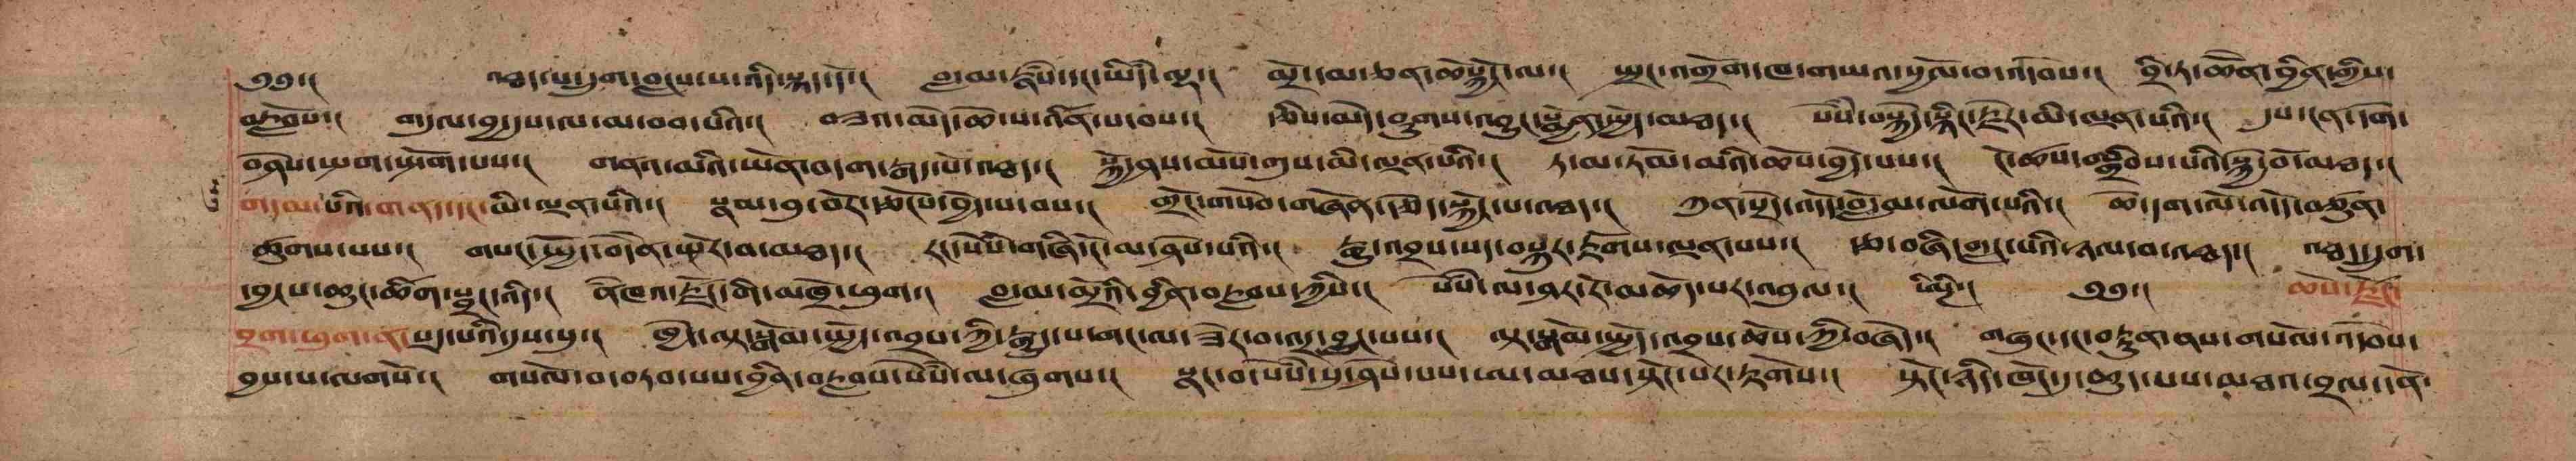༄༅་། འཐད་པ་དྲུག་བླངས་པ་འདི་སྐད་དོ། བླ་མ་རྣམས་དང་ཡིད་དམ་ལྷ། མཁའ་འགྲོ་དམ་ཅན་ཆོས་སྐྱོང་ལ། སྤྲང་འགྲོག་ཁ་གཡའ་གསོལ་བ་འདེབས། བྲི་ཏ་ཆེན་པོ་བྱིན་གྱིས་
བརློབས། གདུལ་བྱ་དུས་ལ་མ་བབ་པའི། བཟའ་མེད་ཆེ་པ་འཛིན་པ་བས། རྩིས་མེད་ཤུགས་འབྱུང་སྨྱོན་སྤྱོད་མཐད། སེམས་བསྐྱེད་སྙིང་རྗེར་མི་ལྡན་པའི། དུས་ངན་དགེ་
བཤེས་སྤག་སྤོག་པས། གནའ་མའི་ཡོན་བདག་རྒད་པོ་འཐད། སྐྱོ་ཤས་མོས་གུས་མི་ལྡན་པའི། ཏ་མ་ཏོམ་མའི་ཆོས་བྱེད་པས། ངོ་ཚས་བསྒྲིབས་པའི་སྐྱེ་བོ་འཐད། 
གདམས་པའི་གནད་དང་མི་ལྡན་པའི། སྣམ་བུ་བོར་རྩོངས་བྱེད་པ་བས། གྲོང་གསེབ་གཞོན་རྩོད་སྐྱོང་པ་འཐད། ཀུན་སྲོད་འདོད་བློ་མ་ལོག་པའི། ཚེ་དག་ལོ་འདོད་བཙུན་
ཚུགས་པས། གསང་སྤྱོད་བདེ་ཆེན་སྤོར་བ་མཐད། རང་སེམས་གཞི་ངོ་མ་ཤེས་པའི། རྒྱུ་འབྲས་སད་བསྐུར་རྟོགས་ལྡན་པས། རྩ་བཞི་གླང་པའི་ཉལ་བ་འཐད། འཐད་དྲུག་
དབྱངས་ཆུང་ཚིག་སྦྲང་འདི། ནམ་མཁའ་རྫོང་གི་མཁའ་འགྲོ་ཕུག། བླ་མ་མཁའ་འགྲོའི་བྱིན་བརླབས་ཀྱིས། སེམས་ལ་ཤར་རོ་མཆོད་པར་འབུལ། ཨིཊི། ༄༅་། ཆོས་རྫོང་
བྲག་ཕུག་ན་སྡད་པའི་དུས་སུ། ཁྱེད་ལྟ་སྒོམ་སྤྱོད་འབྲས་ཀྱི་རྒྱུད་པ་གང་ལ་ཟེར་བ་འདྲ་བྱུང་པས། ལྟ་སྒོམ་སྤྱོད་འབྲས་ཆོས་ཀྱི་བཞེད། གཞུང་དང་བརྟུན་ནས་གསོལ་འདེབས་
བྱས་པ་ལགས་སོ། གསོལ་བ་བཏབས་པས་བྱིན་བརླབས་སེམས་ལ་ཞུགས། སྣང་བ་སེམས་སུ་ཤེས་པས་ཨ་མཐས་སྟོང་པར་རྟོགས། སྟོང་ཉིད་ཁོང་དུ་ཆུད་པས་མཐའ་བྲལ་དོན།